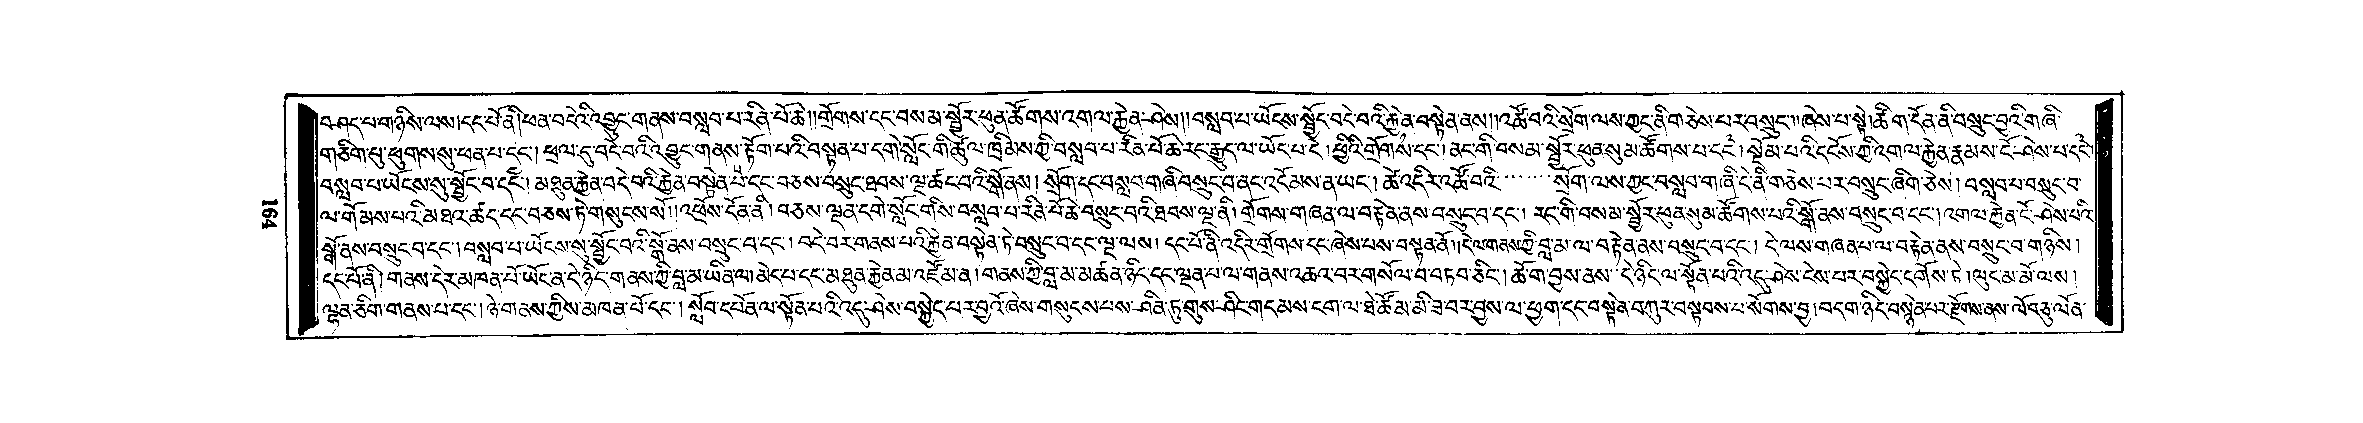བཤད་པ་གཉིས་ལས། དང་པོ་ནི། ཕན་བདེའི་འབྱུང་གནས་བསླབ་པ་རིན་པོ་ཆེ། །གྲོགས་དང་བསམ་སྦྱོར་ཕུན་ཚོགས་འགལ་རྐྱེན་ཤེས། །བསླབ་པ་ཡོངས་སྦྱོང་བདེ་བའི་རྐྱེན་བསྟེན་ནས། །འཚོ་བའི་སྲོག་ལས་ཀྱང་ནི་གཅེས་པར་བསྲུང་། །ཞེས་པ་སྟེ། ཚིག་དོན་ནི་བསྲུང་བྱའི་གཞི་
གཅིག་པུ་ཕུགས་སུ་ཕན་པ་དང་། ཕྲལ་དུ་བདེ་བའི་འབྱུང་གནས་རྟོག་པའི་བསྟན་པ་དགེ་སློང་གི་ཚུལ་ཁྲིམས་ཀྱི་བསླབ་པ་རིན་པོ་ཆེ་རང་རྒྱུད་ལ་ཡོད་པ་དེ། ཕྱིའི་གྲོགས་དང་། ནང་གི་བསམ་སྦྱོར་ཕུན་སུམ་ཚོགས་པ་དང་། སྡོམ་པའི་དངོས་ཀྱི་འགལ་རྐྱེན་རྣམས་ངོ་ཤེས་པ་དང་།
བསླབ་པ་ཡོངས་སུ་སྦྱོང་བ་དང་། མཐུན་རྐྱེན་བདེ་བའི་རྐྱེན་བསྟེན་པ་དང་། བཅས་བསྲུང་ཐབས་ལྔ་ཚང་བའི་སྒོ་ནས། སྲོག་དང་བསླབ་གཞི་བསྲུང་བ་ནང་འདོམས་ན་ཡང་། ཚེ་འདིར་འཚོ་བའི་སྲོག་ལས་ཀྱང་བསླབ་གཞི་དེ་ནི་གཅེས་པར་བསྲུང་ཞིག་ཅེས། བསླབ་པ་བསྲུང་བ་
ལ་གོམས་པའི་མཐའ་ཚད་དང་བཅས་ཏེ་གསུངས་སོ། །འཕྲོས་དོན་ནི། བཅས་ལྡན་དགེ་སློང་གིས་བསླབ་པ་རིན་པོ་ཆེ་བསྲུང་བའི་ཐབས་ལྔ་ནི། གྲོགས་གཞན་ལ་བརྟེན་ནས་བསྲུང་བ་དང་། རང་གི་བསམ་སྦྱོར་ཕུན་སུམ་ཚོགས་པའི་སྒོ་ནས་བསྲུང་བ་དང་། འགལ་རྐྱེན་ངོ་ཤེས་པའི་
སྒོ་ནས་བསྲུང་བ་དང་། བསླབ་པ་ཡོངས་སུ་སྦྱོང་བའི་སྒོ་ནས་བསྲུང་བ་དང་། བདེ་བར་གནས་པའི་རྐྱེན་བསྟེན་ཏེ་བསྲུང་བ་དང་ལྔ་ལས། དང་པོ་ནི་འདིར་གྲོགས་དང་ཞེས་པས་བསྟན་ནོ། །དེ་ལ་གནས་ཀྱི་བླ་མ་ལ་བརྟེན་ནས་བསྲུང་བ་དང་། དེ་ལས་གཞན་པ་ལ་བརྟེན་ནས་བསྲུང་བ་གཉིས།
དང་པོ་ནི། གནས་དེར་མཁན་པོ་ཡོང་ན་དེ་ཉིད་གནས་ཀྱི་བླ་མ་ཡིན་ལ། མེད་པ་དང་མཐུན་རྐྱེན་མ་འཛོམ་ན། གནས་ཀྱི་བླ་མ་མཚན་ཉིད་དང་ལྡན་པ་ལ་གནས་འཆའ་བར་གསོལ་བ་བཏབ་ཅིང་། ཆོ་ག་བྱས་ནས་དེ་ཉིད་ལ་སྟོན་པའི་འདུ་ཤེས་ངེས་པར་བསྐྱེད་དགོས་ཏེ། ལུང་མ་མོ་ལས།
ལྷན་ཅིག་གནས་པ་དང་། ཉེ་གནས་ཀྱིས་མཁན་པོ་དང་། སློབ་དཔོན་ལ་སྟོན་པའི་འདུ་ཤེས་བསྐྱེད་པར་བྱའོ་ཞེས་གསུངས་པས་ཤིན་ཏུ་གུས་ཤིང་གདམས་ངག་ལ་ཐེ་ཚོམ་མི་ཟ་བར་བྱས་ལ་ཕྱག་དང་བསྟེན་བཀུར་བསྟབས་པ་སོགས་བྱ། བདག་ཉིད་བསྙེན་པར་རྫོགས་ནས་ལོ་བཅུ་ལོན་